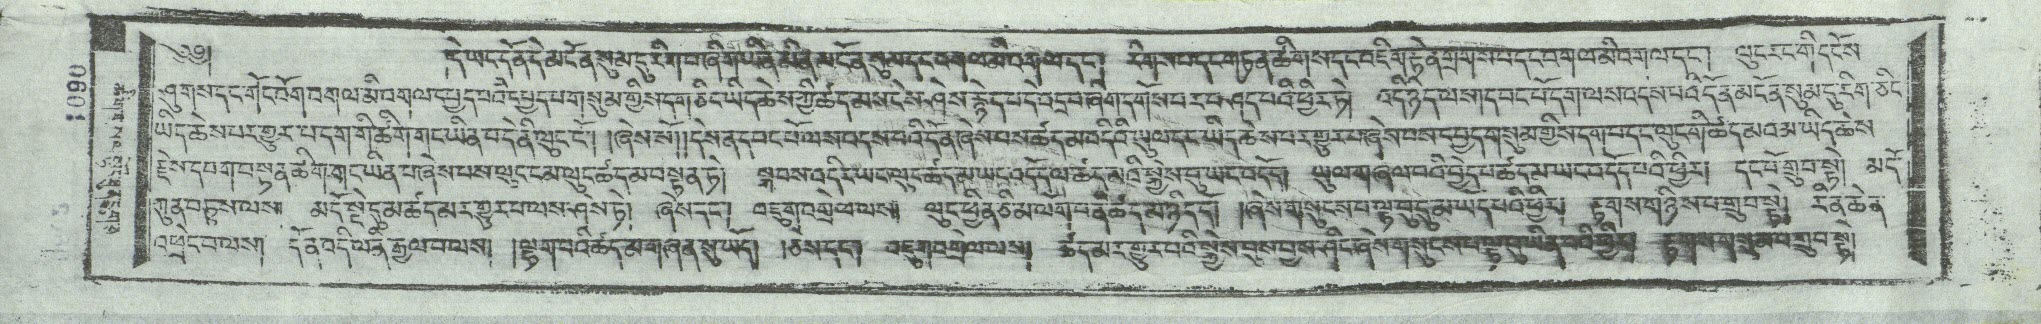༄༅། །དེ་ཡང་དོན་དེ་མངོན་སུམ་དུ་རིག་པ་ཞིག་ཡིན་མིན་མངོན་སུམ་དང་འགལ་མི་འགལ་དང་། རིགས་པ་དང་གཏན་ཚིགས་དང་འཇིག་རྟེན་གྲགས་པ་དང་འགལ་མི་འགལ་དང་། ལུང་རང་གི་དངོས་
ཤུགས་དང་གོང་འོག་འགལ་མི་འགལ་དཔྱད་པའི་དཔྱད་པ་གསུམ་གྱིས་དག་ཅིང་ཡིད་ཆེས་ཀྱི་ཚད་མས་ངེས་ཤེས་རྙེད་པ་དེ་འདྲ་བ་ཞིག་དགོས་པར་བཤད་པའི་ཕྱིར་ཏེ། འདི་ཉིད་ལས། དབང་པོ་དག་ལས་འདས་པའི་དོན་མངོན་སུམ་དུ་རིག་ཅིང་
ཡིད་ཆེས་པར་གྱུར་པ་དག་གི་ཚིག་གང་ཡིན་པ་དེ་ནི་ལུང་ངོ། །ཞེས་སོ། །དེས་ན་དབང་པོ་ལས་འདས་པའི་དོན་ཞེས་པས་ཚད་མ་འདིའི་ཡུལ་དང་ཡིད་ཆེས་པར་གྱུར་པ་ཞེས་པས་དཔྱད་གསུམ་གྱིས་དག་པ་དང་ལུང་གི་ཚད་མའམ་ཡིད་ཆེས་
རྗེས་དཔག་བསྟན་ཚིག་གང་ཡིན་པ་ཞེས་པས་ལུང་ངམ་ལུང་ཚད་མ་བསྟན་ཏེ། སྐབས་འདིར་ཡང་ལུང་ཚད་མ་ཡང་འདོད་ལ་ཚད་མའི་སྐྱེས་བུ་ཡང་འདོད། ཡུལ་གཞལ་བའི་བྱེད་པ་ཚད་མ་ཡང་འདོད་པའི་ཕྱིར། དང་པོ་གྲུབ་སྟེ། མདོ་
ཀུན་བཏུས་ལས། མདོ་སྡེ་དུ་མ་ཚད་མར་གྱུར་བ་ལས་ཤེས་ཏེ། ཞེས་དང་། འཇུག་འགྲེལ་ལས། ལུང་ཕྱིན་ཅི་མ་ལོག་པ་ནི་ཚད་མ་ཉིད་དོ། །ཞེས་གསུངས་པ་ལྟ་བུ་དུ་མ་ཡོད་པའི་ཕྱིར། རྟགས་གཉིས་པ་གྲུབ་སྟེ། རིན་ཆེན་
འཕྲེང་བ་ལས། དོན་འདི་ལ་ནི་རྒྱལ་བ་ལས། །ལྷག་པའི་ཚད་མ་གཞན་སུ་ཡོད། །ཅེས་དང་། འཇུག་འགྲེལ་ལས། ཚད་མར་གྱུར་པའི་སྐྱེས་བུས་བྱས་ཤིང་ཞེས་གསུངས་པ་ལྟ་བུ་ཡིན་པའི་ཕྱིར། རྟགས་གསུམ་པ་གྲུབ་སྟེ།